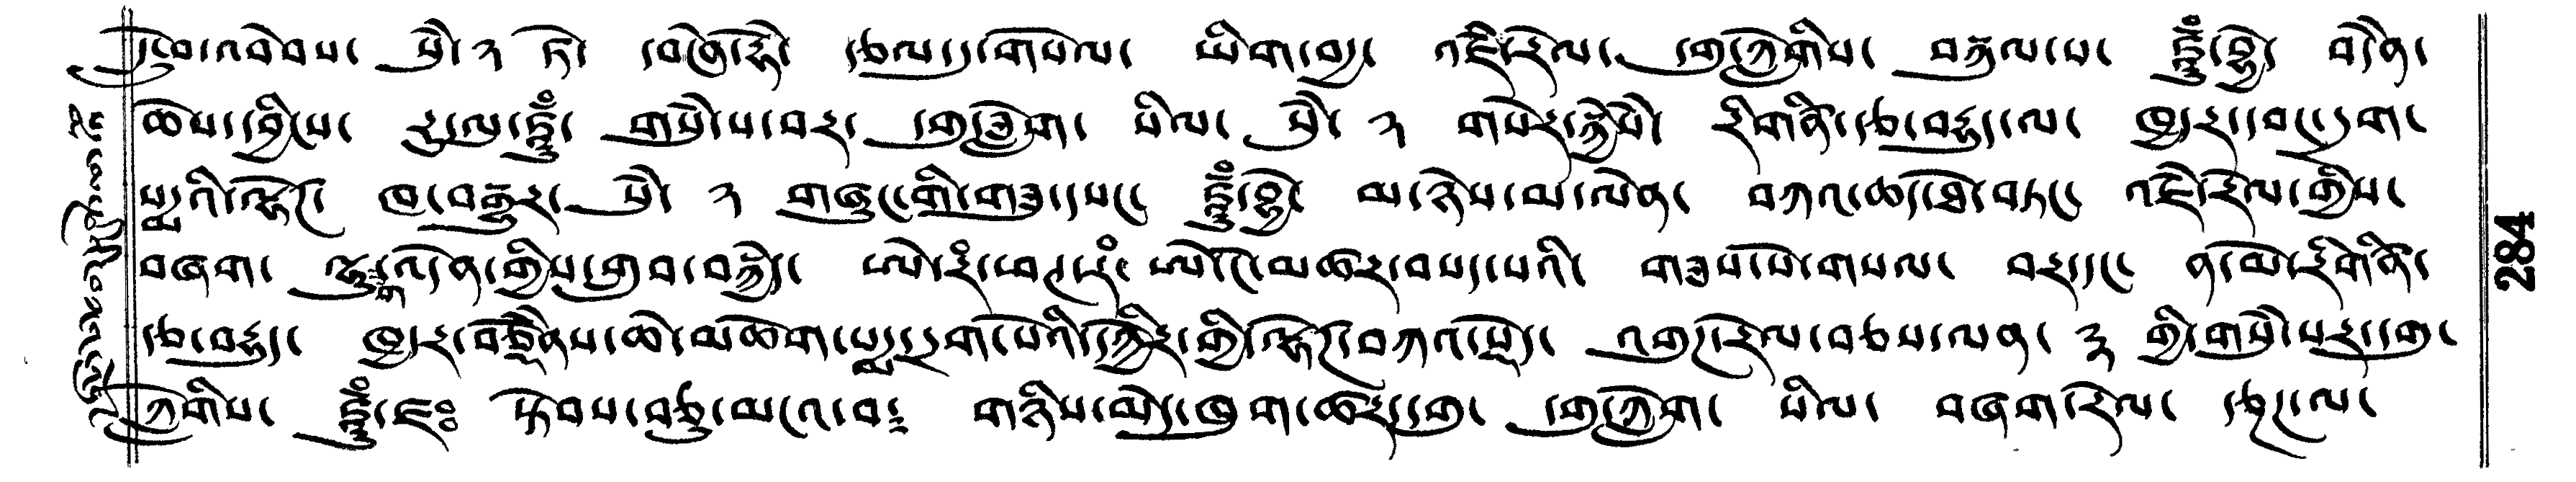དངོས་གྲུབ་འབེབས། སུམ་གཉིས། ཧོཿ དབང་ཆེན་རྡོ་རྗེ༴ བསྩལ་དུ་གསོལ༔ཡིག་བརྒྱ། འཇམ་རོལ། དགུ་ཀློག་གིས། བསྐུལ་པ། ཧཱུྃ་བྷྱོ༔ བདེ་ཆེན་
ཆོས་དབྱིངས༴ རུ་ལུ་ཧཱུྃ༔ གསུམ་པ་བར། དགུ་ཟློག སིལ། སུམ་གཉིས། གསེར་སྐྱེམས། རིག་འཛིན་རྩ་བརྒྱུད༴ ལ། ཁྱད་པར་དབང་དྲག་
པདྨའི་ལྷ་ཚོགས༴ ཞེས་ཁ་བསྒྱུར། སུམ་གཉིས། གཞུང་གི་གཟུ་དཔང་། ཧཱུྃ་བྷྱོ༔ མ་ཉེས་མ་ལེན༴ བཀའ་ཡི་ཆད་ཐོ་བཏང་། འཇམ་རོལ་གྱིས་
བཞག ལྷག་འདོན་གྱིས་གྲུབ་བསྐྱེད། ཨེ་རྃ་ཕཊ་རྃ༔ཨེ༔ངོ་མཚར་བསད་པའི༴ གཟས་པོ་གསལ༴ བར་དང་། ན་མོ། རིག་འཛིན་
རྩ་བརྒྱུད༴ ཁྱད་པར་དུ་བཅོམ་ལྡན་འདས་ཆེ་མཆོག་པདྨ་དྲག་པོའི་དཀྱིལ་འཁོར་གྱི་ལྷ་ཚོགས་བཀའ་སྡོད༴ འགུགས་རོལ་བཅས་ལན་གསུམ་གྱི་གསུམ་པར་དགུ་
ཀློག་གིས། ཧཱུྃ་ཛཿ སྟོབས་བཅུ་མངའ་བ༴ གཉིས་མེད་ཁུག༴ ཚར་དགུ། དགུ་གློག སིལ། བཞག་རོལ། རྩ་སྔགས་ལ།